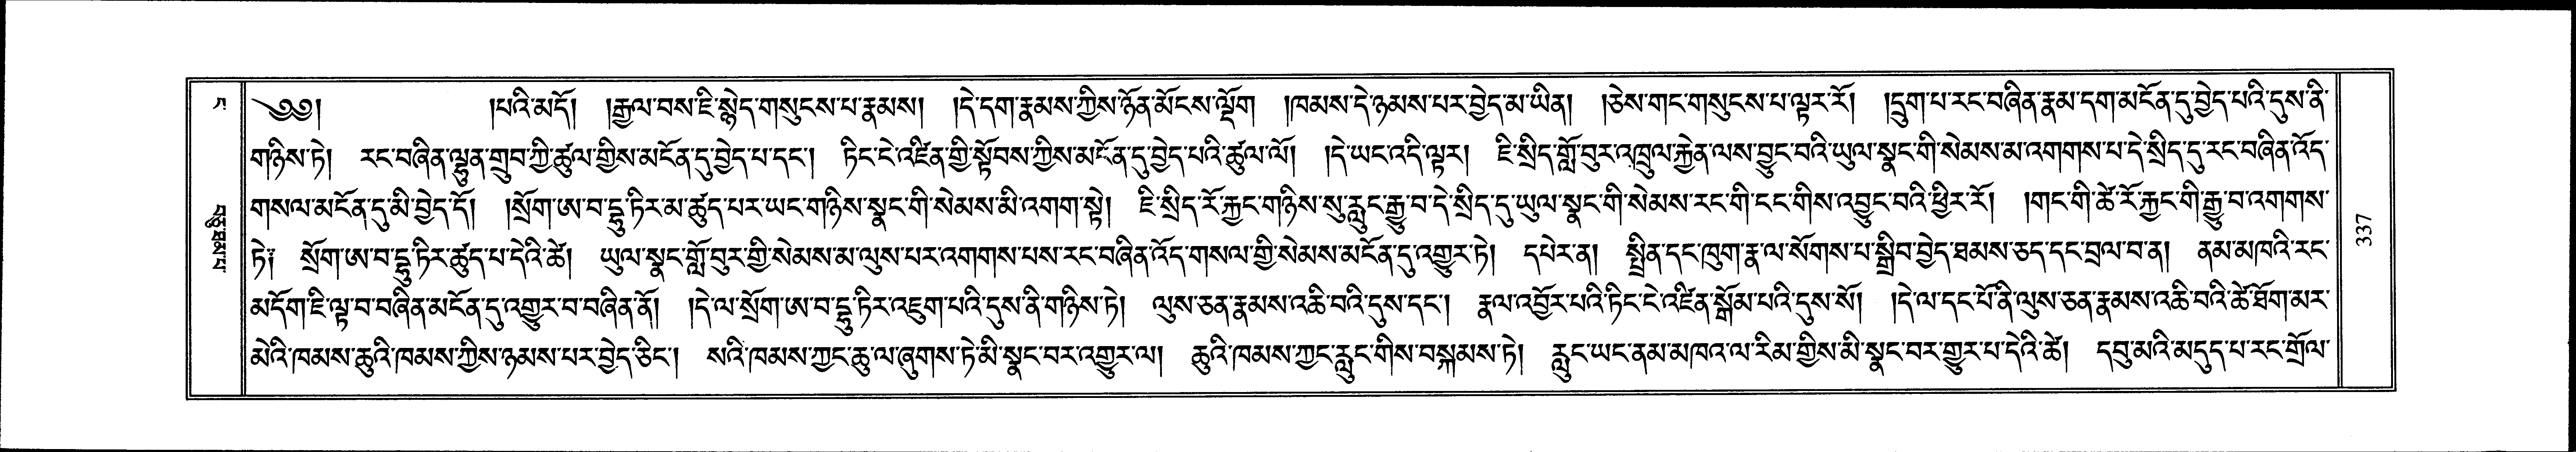༄༅། །པའི་མདོ། །རྒྱལ་བས་ཇི་སྙེད་གསུངས་པ་རྣམས། །དེ་དག་རྣམས་ཀྱིས་ཉོན་མོངས་ལྡོག །ཁམས་དེ་ཉམས་པར་བྱེད་མ་ཡིན། །ཅེས་གང་གསུངས་པ་ལྟར་རོ། །དྲུག་པ་རང་བཞིན་རྣམ་དག་མངོན་དུ་བྱེད་པའི་དུས་ནི་
གཉིས་ཏེ། རང་བཞིན་ལྷུན་གྲུབ་ཀྱི་ཚུལ་གྱིས་མངོན་དུ་བྱེད་པ་དང་། ཏིང་ངེ་འཛིན་གྱི་སྟོབས་ཀྱིས་མངོན་དུ་བྱེད་པའི་ཚུལ་ལོ། །དེ་ཡང་འདི་ལྟར། ཇི་སྲིད་གློ་བུར་འཁྲུལ་རྐྱེན་ལས་བྱུང་བའི་ཡུལ་སྣང་གི་སེམས་མ་འགགས་པ་དེ་སྲིད་དུ་རང་བཞིན་འོད་
གསལ་མངོན་དུ་མི་བྱེད་དོ། །སྲོག་ཨ་བ་དྷུ་ཏིར་མ་ཚུད་པར་ཡང་གཉིས་སྣང་གི་སེམས་མི་འགག་སྟེ། ཇི་སྲིད་རོ་རྐྱང་གཉིས་སུ་རླུང་རྒྱུ་བ་དེ་སྲིད་དུ་ཡུལ་སྣང་གི་སེམས་རང་གི་ངང་གིས་འབྱུང་བའི་ཕྱིར་རོ། །གང་གི་ཚེ་རོ་རྐྱང་གི་རྒྱུ་བ་འགགས་
ཏེ། སྲོག་ཨ་བ་དྷུ་ཏིར་ཚུད་པ་དེའི་ཚེ། ཡུལ་སྣང་གློ་བུར་གྱི་སེམས་མ་ལུས་པར་འགགས་པས་རང་བཞིན་འོད་གསལ་གྱི་སེམས་མངོན་དུ་འགྱུར་ཏེ། དཔེར་ན། སྤྲིན་དང་ཁུག་རྣ་ལ་སོགས་པ་སྒྲིབ་བྱེད་ཐམས་ཅད་དང་བྲལ་བ་ན། ནམ་མཁའི་རང་
མདོག་ཇི་ལྟ་བ་བཞིན་མངོན་དུ་འགྱུར་བ་བཞིན་ནོ། །དེ་ལ་སྲོག་ཨ་བ་དྷུ་ཏིར་འཇུག་པའི་དུས་ནི་གཉིས་ཏེ། ལུས་ཅན་རྣམས་འཆི་བའི་དུས་དང་། རྣལ་འབྱོར་པའི་ཏིང་ངེ་འཛིན་སྒོམ་པའི་དུས་སོ། །དེ་ལ་དང་པོ་ནི་ལུས་ཅན་རྣམས་འཆི་བའི་ཚེ་ཐོག་མར་
མེའི་ཁམས་ཆུའི་ཁམས་ཀྱིས་ཉམས་པར་བྱེད་ཅིང་། སའི་ཁམས་ཀྱང་ཆུ་ལ་ཞུགས་ཏེ་མི་སྣང་བར་འགྱུར་ལ། ཆུའི་ཁམས་ཀྱང་རླུང་གིས་བསྐམས་ཏེ། རླུང་ཡང་ནམ་མཁའ་ལ་རིམ་གྱིས་མི་སྣང་བར་གྱུར་པ་དེའི་ཚེ། དབུ་མའི་མདུད་པ་རང་གྲོལ་